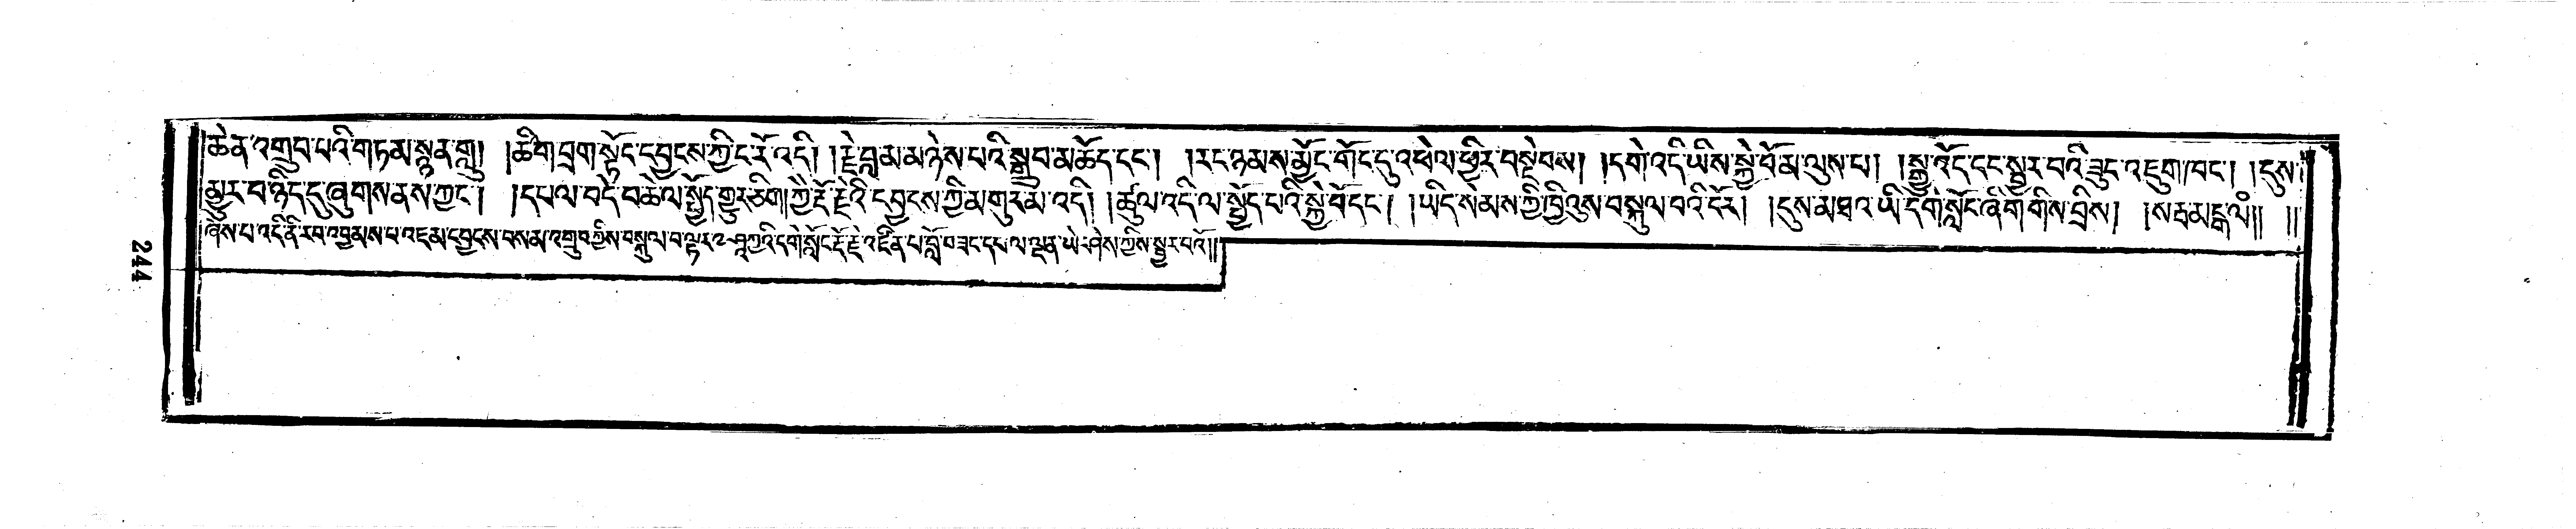ཆེན་འགྲུབ་པའི་གཏམ་སྙན་གླུ། །ཚིག་བྲག་སྟོང་དབྱངས་ཀྱི་ང་རོ་འདི། །རྗེ་བླ་མ་མཉེས་པའི་སྒྲུབ་མཆོད་དང་། །རང་ཉམས་མྱོང་གོང་དུ་འཕེལ་ཕྱིར་བསྡེབས། །དགེ་འདི་ཡིས་སྐྱེ་བོ་མ་ལུས་པ། །སྒྱུ་འོད་དང་སྦྱར་བའི་ཟུང་འཇུག་ཁང་། །དུས་
མྱུར་བ་ཉིད་དུ་ཞུགས་ནས་ཀྱང་། །དཔལ་བདེ་བ་ཆེ་ལ་སྤྱོད་གྱུར་ཅིག། ཀྱཻ་རྡོ་རྗེའི་དབྱངས་ཀྱི་མགུར་མ་འདི། །ཚུལ་འདི་ལ་སྦྱོད་པའི་སྐྱེ་བོ་དང་། །ཡིད་སེམས་ཀྱི་ཁྱིའུས་བསྐུལ་བའི་ངོར། །དུས་མཐའ་ཡི་དགེ་སློང་ཞིག་གིས་བྲིས། །སརྦ་མངྒ་ལཾ།། །།
ཞེས་པ་འདི་ནི་རབ་འབྱམས་པ་འཇམ་དབྱངས་བསམ་འགྲུབ་ཀྱིས་བསྐུལ་བ་ལྟར་༧་ཤཱཀྱའི་དགེ་སློང་རྡོ་རྗེ་འཛིན་པ་བློ་བཟང་དཔལ་ལྡན་ཡེ་ཤེས་ཀྱིས་སྦྱར་བའོ།། ༄༅། །བློ་སྦྱོང་ལམ་རིམ་གྱི་སྐོར་བཞུགས།